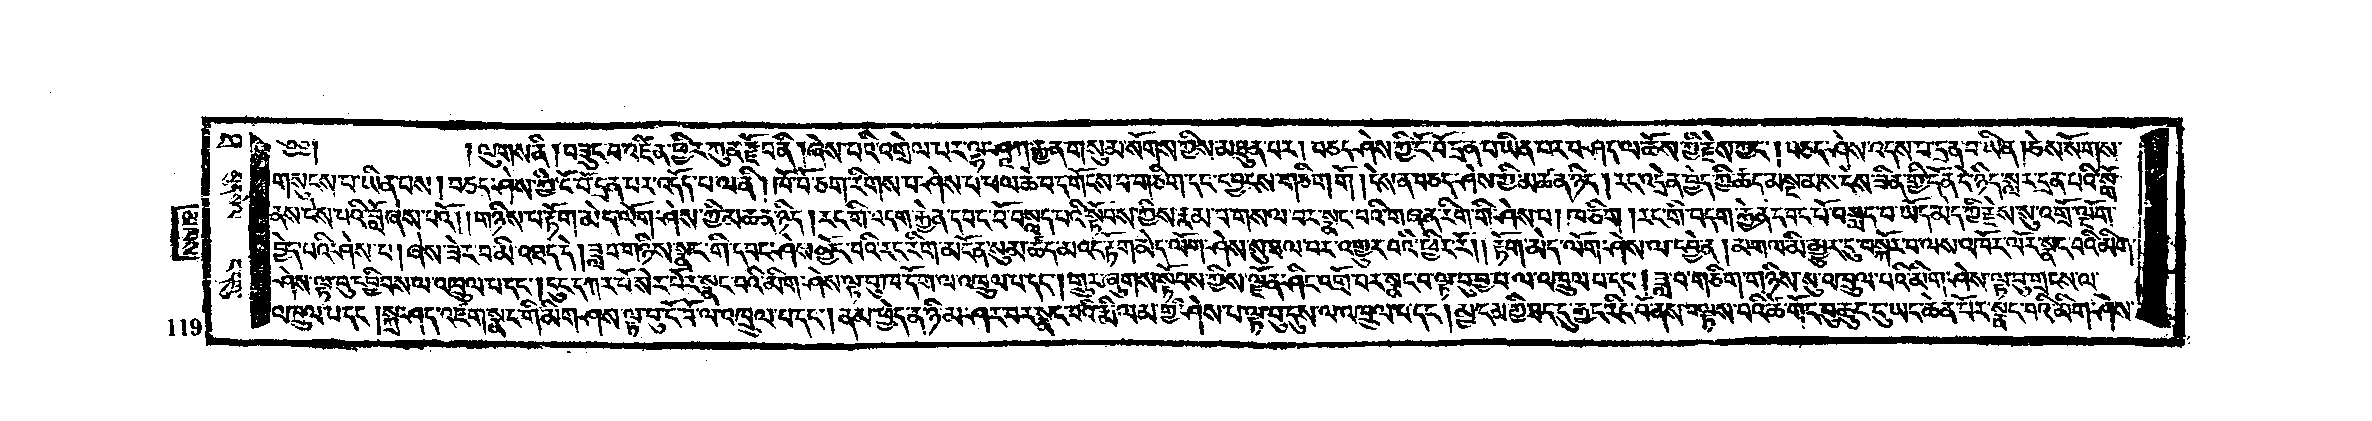༄༅། །ལུགས་ནི། བཟུང་བ་འཛིན་ཕྱིར་ཀུན་རྫོབ་ནི། ཞེས་པའི་འགྲེལ་པར་ལྷ་ཤཱཀ་རྒྱན་གསུམ་སོགས་ཀྱིས་མཐུན་པར། བཅད་ཤེས་ཀྱི་ངོ་བོ་དྲན་པ་ཡིན་པར་བཤད་ལ་ཆོས་ཀྱི་རྗེས་ཀྱང་། ཅད་ཤེས་འདས་པ་དྲན་པ་ཡིན། ཅེས་སོགས་
གསུངས་པ་ཡིན་པས། བཅད་ཤེས་ཀྱི་ངོ་བོ་དྲན་པར་འདོད་པ་ལ་ནི། ཁོ་བོ་ཅག་རིགས་པ་ཤེས་པ་ཕལ་ཆེ་བ་དགོངས་པ་གཅིག་དང་དབྱངས་གཅིག་གོ། དེས་ན་བཅད་ཤེས་ཀྱི་མཚན་ཉིད། རང་འདྲེན་བྱེད་ཀྱི་ཚད་མ་སྔ་མས་དེས་ཟིན་གྱི་དོན་དེ་ཉིད་སླར་དྲན་པའི་སྒོ་
ནས་ངེས་པའི་བློ་ཞེས་པའོ། །གཉིས་པ་རྟོག་མེད་ལོག་ཤེས་ཀྱི་མཚན་ཉིད། རང་གི་བདག་རྐྱེན་དབང་པོ་སླད་པའི་སྟོབས་ཀྱི་རྣམ་པ་གསལ་བར་སྣང་བའི་གཞན་རིག་གི་ཤེས་པ། ཁ་ཅིག། རང་གི་བདག་རྐྱེན་དབང་པོ་བསླད་པ་ཡོད་མེད་ཀྱི་རྗེས་སུ་འགྲོ་ལྡོག་
བྱེད་པའི་ཤེས་པ། ཞེས་ཟེར་བ་མི་འཐད་དེ། ཟླ་བ་གཉིས་སྣང་གི་དབང་ཤེས་མྱོང་བའི་རང་རིག་མངོན་སུམ་ཚད་མའང་རྟོག་མེད་ལོག་ཤེས་སུ་ཐལ་བར་འགྱུར་བའི་ཕྱིར་རོ། །རྟོག་མེད་ལོག་ཤེས་ལ་དབྱེ་ན། མགལ་མེ་མྱུར་དུ་བསྐོར་བ་ལས་འཁོར་ལོར་སྣང་བའི་མིག་
ཤེས་ལྟ་བུ་དབྱིབས་ལ་འཁྲུལ་པ་དང་། དུང་དཀར་པོ་སེར་པོར་སྣང་བའི་མིག་ཤེས་ལྟ་བུ་ཁ་དོག་ལ་འཁྲུལ་པ་དང་། གྱུར་ཞུགས་སྟོབས་ཀྱིས་ལྗོན་ཤིང་འགྲོ་བར་སྣང་བ་ལྟ་བུ་བྱ་བ་ལ་འཁྲུལ་པ་དང་། ཟླ་བ་གཅིག་གཉིས་སུ་འཁྲུལ་པའི་མིག་ཤེས་ལྟ་བུ་གྲངས་ལ་
འཁྲུལ་པ་དང་། སྐྲ་ཤད་འཛག་སྣང་གི་མིག་ཤེས་ལྟ་བུ་ངོ་བོ་ལ་འཁྲུལ་པ་དང་། ནམ་ཕྱེད་ན་ཉི་མ་ཤར་བར་སྣང་བའི་རྨི་ལམ་གྱི་ཤེས་པ་ལྟ་བུ་དུས་ལ་འཁྲུལ་བ་དང་། མྱ་དམ་གྱི་ཐད་དུ་རྒྱང་རིང་པོ་ནས་བལྟས་པའི་ཚེ་གོང་བུ་ཆུང་དུ་ཡང་ཆེན་པོར་སྣང་བའི་མིག་ཤེས་